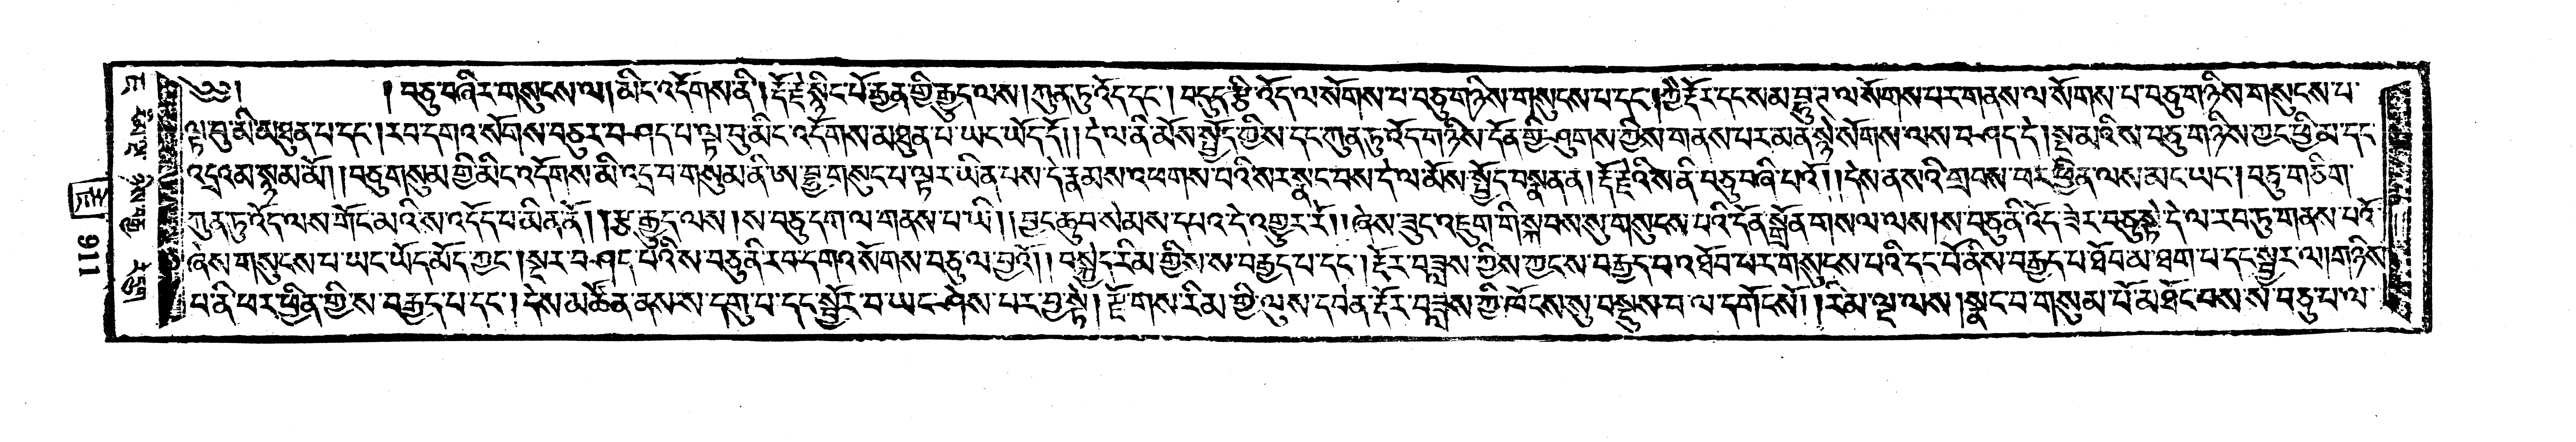༄༅། །བཅུ་བཞིར་གསུངས་ལ། མིང་འདོགས་ནི། རྡོ་རྗེ་སྙིང་པོ་རྒྱན་གྱི་རྒྱུད་ལས། ཀུན་ཏུ་འོད་དང་། བདུད་རྩི་འོད་ལ་སོགས་པ་བཅུ་གཉིས་གསུངས་པ་དང་། ཀྱཻ་རྡོར་དང་སམ་བྷུ་ཊ་ལ་སོགས་པར་གནས་ལ་སོགས་པ་བཅུ་གཉིས་གསུངས་པ་
ལྟ་བུ་མི་མཐུན་པ་དང་། རབ་དགའ་སོགས་བཅུར་བཤད་པ་ལྟ་བུ་མིང་འདོགས་མཐུན་པ་ཡང་ཡོད་དོ། །དེ་ལ་ནི་མོས་སྤྱོད་ཀྱི་ས་དང་ཀུན་ཏུ་འོད་གཉིས་དོན་གྱི་ཤུགས་ཀྱིས་གནས་པར་མན་སྙེ་སོགས་ལས་བཤད་དེ། སྔ་མའི་ས་བཅུ་གཉིས་ཀྱང་ཕྱི་མ་དང་
འདྲའམ་སྙམ་མོ། །བཅུ་གསུམ་གྱི་མིང་འདོགས་མི་འདྲ་བ་གསུམ་ནི་ཨ་བྷྱ་གསུང་པ་ལྟར་ཡིན་པས་དེ་རྣམས་འཕགས་པའི་སར་སྣང་བས་དེ་ལ་མོས་སྤྱོད་བསྣན་ན། རྡོ་རྗེའི་ས་ནི་བཅུ་བཞི་པའོ། །དེས་ན་སའི་གྲངས་ཕར་ཕྱིན་ལས་མང་ཡང་། བཅུ་གཅིག་
ཀུན་ཏུ་འོད་ལས་གོང་མའི་ས་འདོད་པ་མིན་ནོ། །རྩ་རྒྱུད་ལས། ས་བཅུ་དག་ལ་གནས་པ་ཡི། །བྱང་ཆུབ་སེམས་དཔའ་དེ་འགྱུར་རོ། །ཞེས་ཟུང་འཇུག་གི་སྐབས་སུ་གསུངས་པའི་དོན་སྒྲོན་གསལ་ལས། ས་བཅུ་ནི་འོད་ཟེར་བཅུ་སྟ་དེ་ལ་རབ་ཏུ་གནས་པའོ། །
ཞེས་གསུངས་པ་ཡང་ཡོད་མོད་ཀྱང་། སྔར་བཤད་པའི་ས་བཅུ་ནི་རབ་དགའ་སོགས་བཅུ་ལ་བྱའོ། །བསྐྱེད་རིམ་གྱིས་ས་བརྒྱད་པ་དང་། རྡོར་བཟླས་ཀྱིས་ཀྱང་ས་བརྒྱད་པ་འཐོབ་པར་གསུངས་པའི་དང་པོ་ནི་ས་བརྒྱད་པ་ཐོབ་མ་ཐག་པ་དང་སྦྱར་ལ། གཉིས་
པ་ནི་ཕར་ཕྱིན་གྱི་ས་བརྒྱད་པ་དང་། དེས་མཚོན་ནས་ས་དགུ་པ་དང་སྦྱོར་བ་ཡང་ཤེས་པར་བྱ་སྟེ། རྫོགས་རིམ་གྱི་ལུས་དབེན་རྡོར་བཟླས་ཀྱི་ཁོངས་སུ་བསྡུས་པ་ལ་དགོངས་སོ། །རིམ་ལྔ་ལས། སྣང་བ་གསུམ་པོ་མཐོང་བས་ས་བཅུ་པ་ལ་